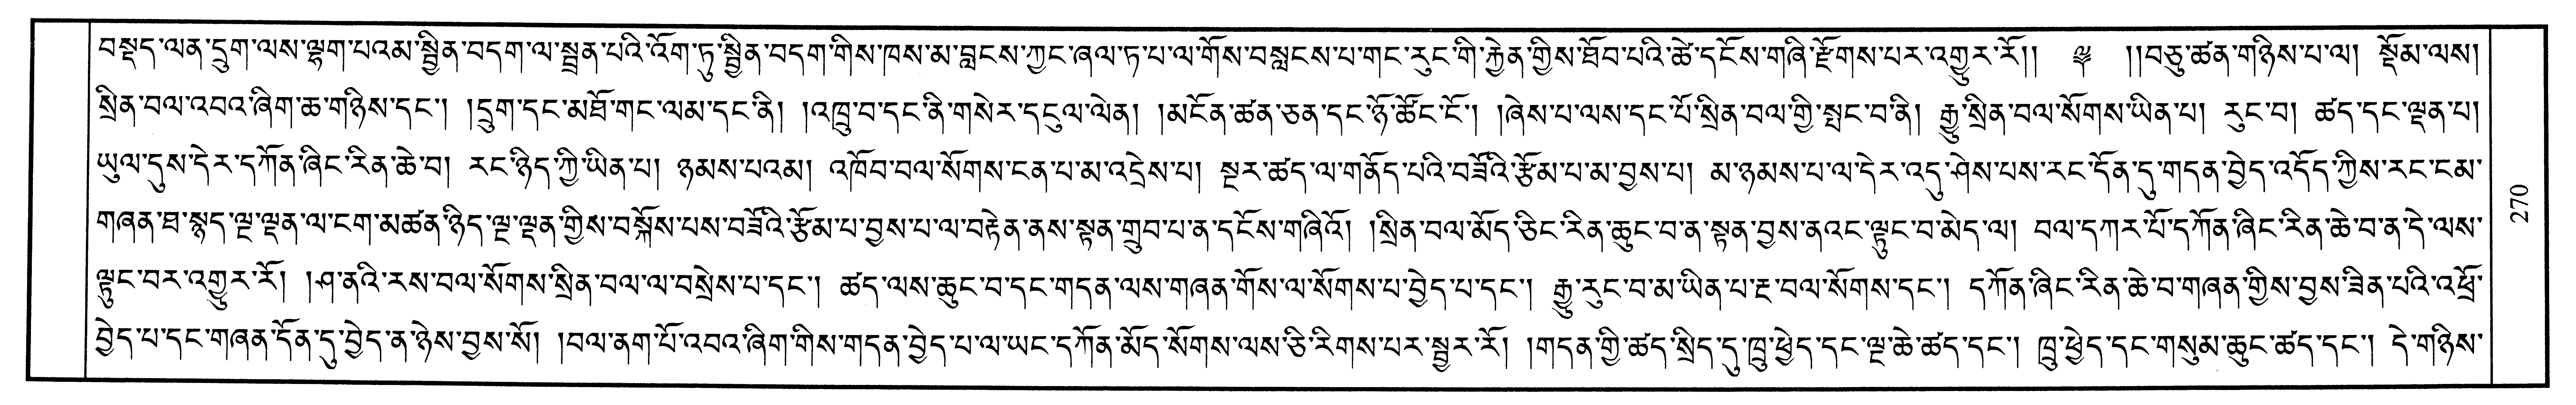བསྡད་ལན་དྲུག་ལས་ལྷག་པའམ་སྦྱིན་བདག་ལ་སྦྲན་པའི་འོག་ཏུ་སྦྱིན་བདག་གིས་ཁས་མ་བླངས་ཀྱང་ཞལ་ཏ་པ་ལ་གོས་བསླངས་པ་གང་རུང་གི་རྐྱེན་གྱིས་ཐོབ་པའི་ཚེ་དངོས་གཞི་རྫོགས་པར་འགྱུར་རོ།། ༈ །།བཅུ་ཚན་གཉིས་པ་ལ། སྡོམ་ལས།
སྲིན་བལ་འབའ་ཞིག་ཆ་གཉིས་དང་། །དྲུག་དང་མཐོ་གང་ལམ་དང་ནི། །འཁྲུ་བ་དང་ནི་གསེར་དངུལ་ལེན། །མངོན་ཚན་ཅན་དང་ཉོ་ཚོང་ངོ། །ཞེས་པ་ལས་དང་པོ་སྲིན་བལ་གྱི་སྤང་བ་ནི། རྒྱུ་སྲིན་བལ་སོགས་ཡིན་པ། རུང་བ། ཚད་དང་ལྡན་པ།
ཡུལ་དུས་དེར་དཀོན་ཞིང་རིན་ཆེ་བ། རང་ཉིད་ཀྱི་ཡིན་པ། ཉམས་པའམ། འཁོབ་བལ་སོགས་ངན་པ་མ་འདྲེས་པ། སྔར་ཚད་ལ་གནོད་པའི་བཟོའི་རྩོམ་པ་མ་བྱས་པ། མ་ཉམས་པ་ལ་དེར་འདུ་ཤེས་པས་རང་དོན་དུ་གདན་བྱེད་འདོད་ཀྱིས་རང་ངམ་
གཞན་ཐ་སྙད་ལྔ་ལྡན་ལ་ངག་མཚན་ཉིད་ལྔ་ལྡན་གྱིས་བསྐོས་པས་བཟོའི་རྩོམ་པ་བྱས་པ་ལ་བརྟེན་ནས་སྟན་གྲུབ་པ་ན་དངོས་གཞིའོ། །སྲིན་བལ་མོད་ཅིང་རིན་ཆུང་བ་ན་སྟན་བྱས་ནའང་ལྟུང་བ་མེད་ལ། བལ་དཀར་པོ་དཀོན་ཞིང་རིན་ཆེ་བ་ན་དེ་ལས་
ལྟུང་བར་འགྱུར་རོ། །ཤ་ནའི་རས་བལ་སོགས་སྲིན་བལ་ལ་བསྲེས་པ་དང་། ཚད་ལས་ཆུང་བ་དང་གདན་ལས་གཞན་གོས་ལ་སོགས་པ་བྱེད་པ་དང་། རྒྱུ་རུང་བ་མ་ཡིན་པ་རྔ་བལ་སོགས་དང་། དཀོན་ཞིང་རིན་ཆེ་བ་གཞན་གྱིས་བྱས་ཟིན་པའི་འཕྲོ་
བྱེད་པ་དང་གཞན་དོན་དུ་བྱེད་ན་ཉེས་བྱས་སོ། །བལ་ནག་པོ་འབའ་ཞིག་གིས་གདན་བྱེད་པ་ལ་ཡང་དཀོན་མོད་སོགས་ལས་ཅི་རིགས་པར་སྦྱར་རོ། །གདན་གྱི་ཚད་སྲིད་དུ་ཁྲུ་ཕྱེད་དང་ལྔ་ཆེ་ཚད་དང་། ཁྲུ་ཕྱེད་དང་གསུམ་ཆུང་ཚད་དང་། དེ་གཉིས་